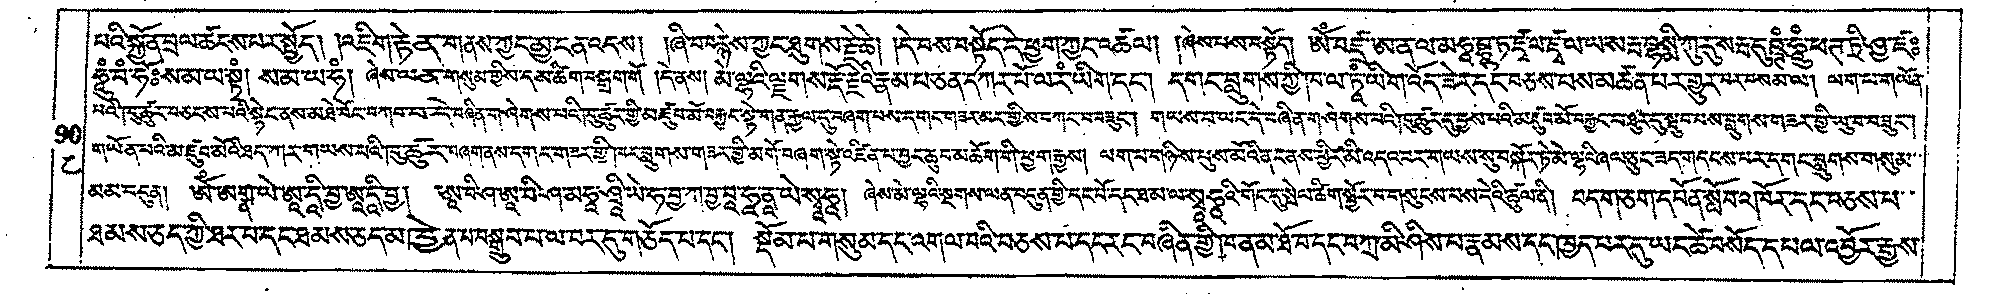པའི་སྐྱོན་བྲལ་ཚངས་པར་སྤྱོད། །འཇིག་རྟེན་གནས་ཀྱང་མྱ་ངན་འདས། །ཞི་བ་བརྙེས་ཀྱང་ཐུགས་རྗེ་ཆེ། །དེ་བས་བསྟོད་དེ་ཕྱག་ཀྱང་འཚལ། །ཞེས་པས་བསྟོད།  ཨོཾ་བཛྲ་ཨ་ན་ལ་མཧཱ་བྷཱ་ཏ་ཛྭ་ལ་ཛྭ་ལ་ཡ་སརྦ་བྷསྨི་ཀུ་རུ་སརྦ་དུཥྚཾ་ཧཱུཾ་ཕཌ་ཏྲི་ཤྱ་ཛཿ
ཧཱུཾ་བཾ་ཧོཿས་མ་ཡ་སྟཾ། ས་མ་ཡ་ཧཾ། ཞེས་ལན་གསུམ་གྱིས་དམ་ཚིག་བསྒྲག་གོ །དེ་ནས།  མེ་ལྷའི་ལྗགས་རྡོ་རྗེའི་རྣམ་པ་ཅན་དཀར་པོ་ལ་རཾ་ཡིག་དང་། དགང་བླུགས་ཀྱི་ཁ་ལ་ཏཱཾ་ཡིག་འོད་ཟེར་དང་བཅས་པས་མཚན་པར་གྱུར་པར་བསམ་ལ། ལག་པ་གཡོན་
པའི་ཁུ་ཚུར་བཅངས་པའི་སྟེང་ནས་མཐེ་བོང་བཀབ་པ་དེ་བཞིན་གཤེགས་པའི་ཁུ་ཚུར་གྱི་མཛུབ་མོ་བརྐྱང་སྟེ་གན་རྒྱལ་དུ་བཞག་པས་དགང་གཟར་མར་གྱིས་བཀང་བ་བཟུང་། གཡས་པ་ཡང་དེ་བཞིན་གཤེགས་པའི་ཁུ་ཚུར་དུ་བྱས་པའི་མཛུབ་མོ་བརྐྱང་བ་ཐུར་དུ་སྦུབ་པས་བླུགས་གཟར་གྱི་ཡུ་བ་བཟུང་།
གཡོན་པའི་མཛུབ་མོའི་ཐད་ཀར་གཡས་པའི་ཁུ་ཚུར་བཞག་ནས་དགང་གཟར་གྱི་ཁར་བླུགས་གཟར་གྱི་མགོ་བཞག་སྟེ་འཛིན་པ་བྱང་ཆུབ་མཆོག་གི་ཕྱག་རྒྱས། ལག་པ་གཉིས་པུས་མོའི་ནང་ནས་ཕྱིར་མི་འདའ་བར་གཡས་སུ་བསྐོར་ཏེ་མེ་ལྷའི་ཞལ་ཅུང་ཟད་གདངས་པར་དགང་བླུགས་གསུམ་་་
མམ་བདུན། ཨོཾ་ཨགན་ཡེ་ཨཱ་དཱི་བྱ་ཨཱ་དཱི་བྱ། ཨཱ་བི་ཤ་ཨཱ་བི་ཤ་མཧཱ་ཤྲཱི་ཡེ་ཧ་བྱ་ཀ་བྱ་བཱ་ཧཱ་ནཱ་ཡེ་སྭཱཧཱ། ཞེས་མེ་ལྷའི། སྔགས་ལན་བདུན་གྱི་དང་པོ་དང་ཐ་མ་ལ་སྭཱཧཱའི་གོང་དུ་སྤེལ་ཚིག་སྦྱོར་བ་གསུངས་པས་དེའི་ཚུལ་ནི།  བདག་ཅག་དཔོན་སློབ་འཁོར་དང་བཅས་པ་་་
ཐམས་ཅད་ཀྱི་ཐར་པ་དང་ཐམས་ཅད་མཁྱེན་པ་བསྒྲུབ་པ་ལ་བར་དུ་གཅོད་པ་དང་། སྡོམ་པ་གསུམ་དང་འགལ་བའི་བཅས་པ་དང་རང་བཞིན་གྱི་ཁ་ན་མ་ཐོ་བ་དང་བཀྲ་མི་ཤིས་པ་རྣམས་དང་ཁྱད་པར་དུ་ཡང་ཚེ་བསོད་དཔལ་འབྱོར་རྒྱས་